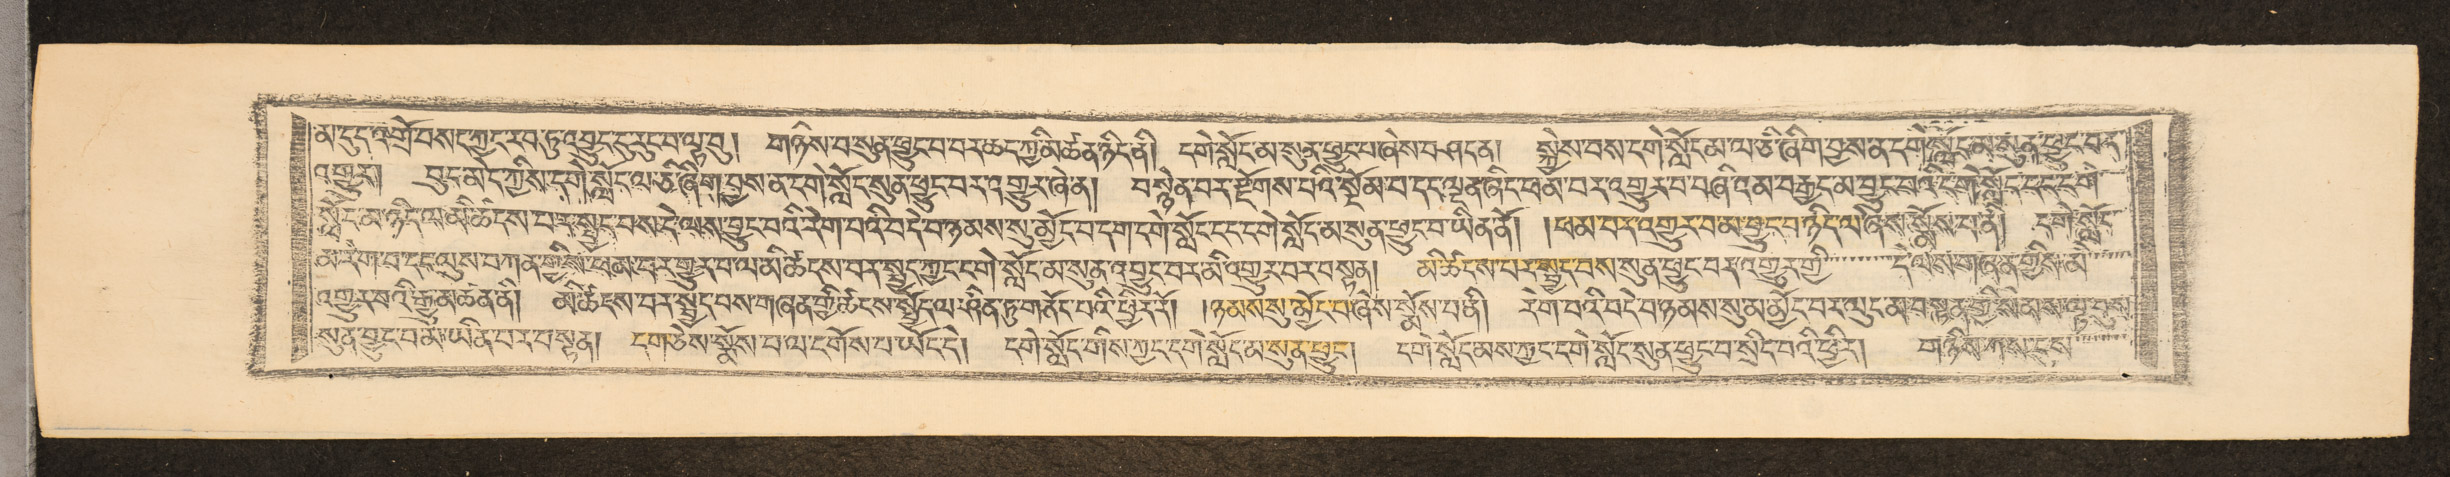མ་དུད་འགྲོ་བསད་ཀྱང་རབ་ཏུ་འབྱུང་དུ་རུང་བ་ལྟ་བུ། གཉིས་པ་སུན་ཕྱུང་བ་བར་ཆད་ཀྱི་མཚན་ཉིད་ནི། དགེ་སློང་མ་སུན་ཕྱུང་བ་ཞེས་བཤད་ན། སྐྱེས་པས་དགེ་སློང་མ་ལ་ཅི་ཞིག་བྱས་ན་དགེ་སློང་མ་སུན་ཕྱུང་བར་
འགྱུར། བུད་མེད་ཀྱིས་དགེ་སློང་ལ་ཅི་ཞིག་བྱས་ན་དགེ་སློང་སུན་ཕྱུང་བར་འགྱུར་ཞེ་ན། བསྙེན་པར་རྫོགས་པའི་སྡོམ་པ་དང་ལྡན་ཞིང་ཕམ་པར་འགྱུར་བ་བཞི་འམ་བརྒྱད་མ་བྱུང་བའི་དགེ་སློང་དང་དག་
སློང་མ་ཉིད་ལ་མི་ཚངས་པར་སྤྱད་པས་དེ་ལས་བྱུང་བའི་རེག་པའི་བདེ་བ་ཉམས་སུ་མྱོང་བ་དག་དགེ་སློང་དང་དགེ་སློང་མ་སུན་ཕྱུར་བ་ཡིན་ནོ། །ཕམ་པར་འགྱུར་པ་མ་བྱུང་བ་ཉིད་ལ་ཞེས་སྨོས་པ་ནི། དགེ་སློང་
མ་རེག་པ་དང་ལུས་བཀན་གྱིས་ཕམ་པར་གྱུར་པ་ལ་མི་ཚངས་པར་སྤྱད་ཀྱང་དགེ་སློང་མ་སུན་འབྱུང་བར་མི་འགྱུར་བར་བསྟན། མི་ཚངས་པར་སྤྱད་པས་སུན་ཕྱུང་བར་འགྱུར་གྱི་དེ་ལས་གཞན་གྱིས་མི་
འགྱུར་བའི་རྒྱུ་མཚན་ནི། མི་ཚངས་པར་སྤྱད་པས་གཞན་གྱི་ཚངས་སྤྱོད་ལ་ཤིན་ཏུ་གནོད་པའི་ཕྱིར་རོ། །ཉམས་སུ་མྱོང་བ་ཞེས་སྨོས་པ་ནི། རེག་པའི་བདེ་བ་ཉམས་སུ་མ་མྱོང་བར་ལུང་མ་བསྟན་གྱི་སེམས་ལྟ་བུས་
སུན་ཕྱུང་བ་མ་ཡིན་པར་བསྟན། དག་ཅེས་སྨོས་པ་ལ་དགོས་པ་ཡོད་དེ། དགེ་སློང་གིས་ཀྱང་དགེ་སློང་མ་སུན་ཕྱུང་། དགེ་སློང་མས་ཀྱང་དགེ་སློང་སུན་ཕྱུང་བ་སྲིད་བའི་ཕྱིར། གཉིས་ཀས་དུས་